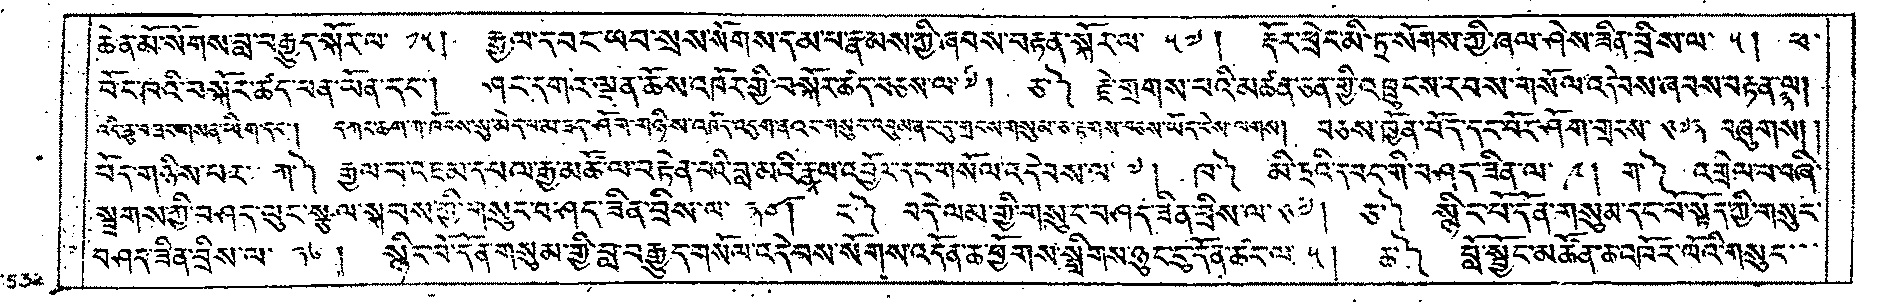ཆེན་མོ་སོགས་བླ་བརྒྱུད་སྐོར་ལ ༡༥། རྒྱལ་དབང་ཡབ་སྲས་སོགས་དམ་པ་རྣམས་ཀྱི་ཞབས་བརྟན་སྐོར་ལ ༥༧། རྡོར་ཕྲེང་མི་ཏྲ་སོགས་ཀྱི་ཞལ་ཤེས་ཟིན་བྲིས་ལ ༥། ཕ་
བོང་ཁའི་བསྐོར་ཚད་ཕན་ཡོན་དང་། ཤང་དགའ་ལྡན་ཆོས་འཁོར་གྱི་བསྐོར་ཚད་བཅས་ལ ༧། ཅ྄་རྗེ་གྲགས་པའི་མཚན་ཅན་གྱི་འཁྲུངས་རབས་གསོལ་འདེབས་ཞབས་བརྟན་ལ ༣།
འདི་ཆུ་བཟང་གསན་ཡིག་དང་། དཀར་ཆག་ག་ཁོངས་སུ་མེད་པ་མ་ཟད་ཤོག་གཉིས་འཁོད་འདུག་ནའང་གསུང་འབུམ་ནང་དུ་གྲངས་གསུམ་ཅ་རྟགས་བཅས་ཡོད་ངེས་ལགས།  བཅས་ཁྱོན་བོད་དང་པོར་ཤོག་གྲངས ༤༧༣་བཞུགས། །
བོད་གཉིས་པར་ཀ྄་རྒྱལ་བ་འཇམ་དཔལ་རྒྱ་མཚོ་ལ་བརྟེན་པའི་བླ་མའི་རྣལ་འབྱོར་དང་གསོལ་འདེབས་ལ ༧། ཁ྄་མི་ཏྲའི་དབང་གི་བཤད་ཟིན་ལ ༩། ག྄་འགྲེལ་བ་བཞི་
སྦྲགས་ཀྱི་བཤད་ལུང་སྩལ་སྐབས་ཀྱི་གསུང་བཤད་ཟིན་བྲིས་ལ ༣༠། ང྄་བདེ་ལམ་གྱི་གསུང་བཤད་ཟིན་བྲིས་ལ ༤༧། ཅ྄་སྙིང་པོ་དོན་གསུམ་དང་པོ་སྟོད་ཀྱི་གསུང་
བཤད་ཟིན་བྲིས་ལ ༢༦། སྙིང་པོ་དོན་གསུམ་གྱི་བླ་བརྒྱུད་གསོལ་འདེབས་སོགས་འདོན་ཆ་ཕྱོགས་སྒྲིགས་ཉུང་དུ་དོན་ཚང་ལ ༥། ཆ྄་བློ་སྦྱོང་མཚོན་ཆ་འཁོར་ལོའི་གསུང་